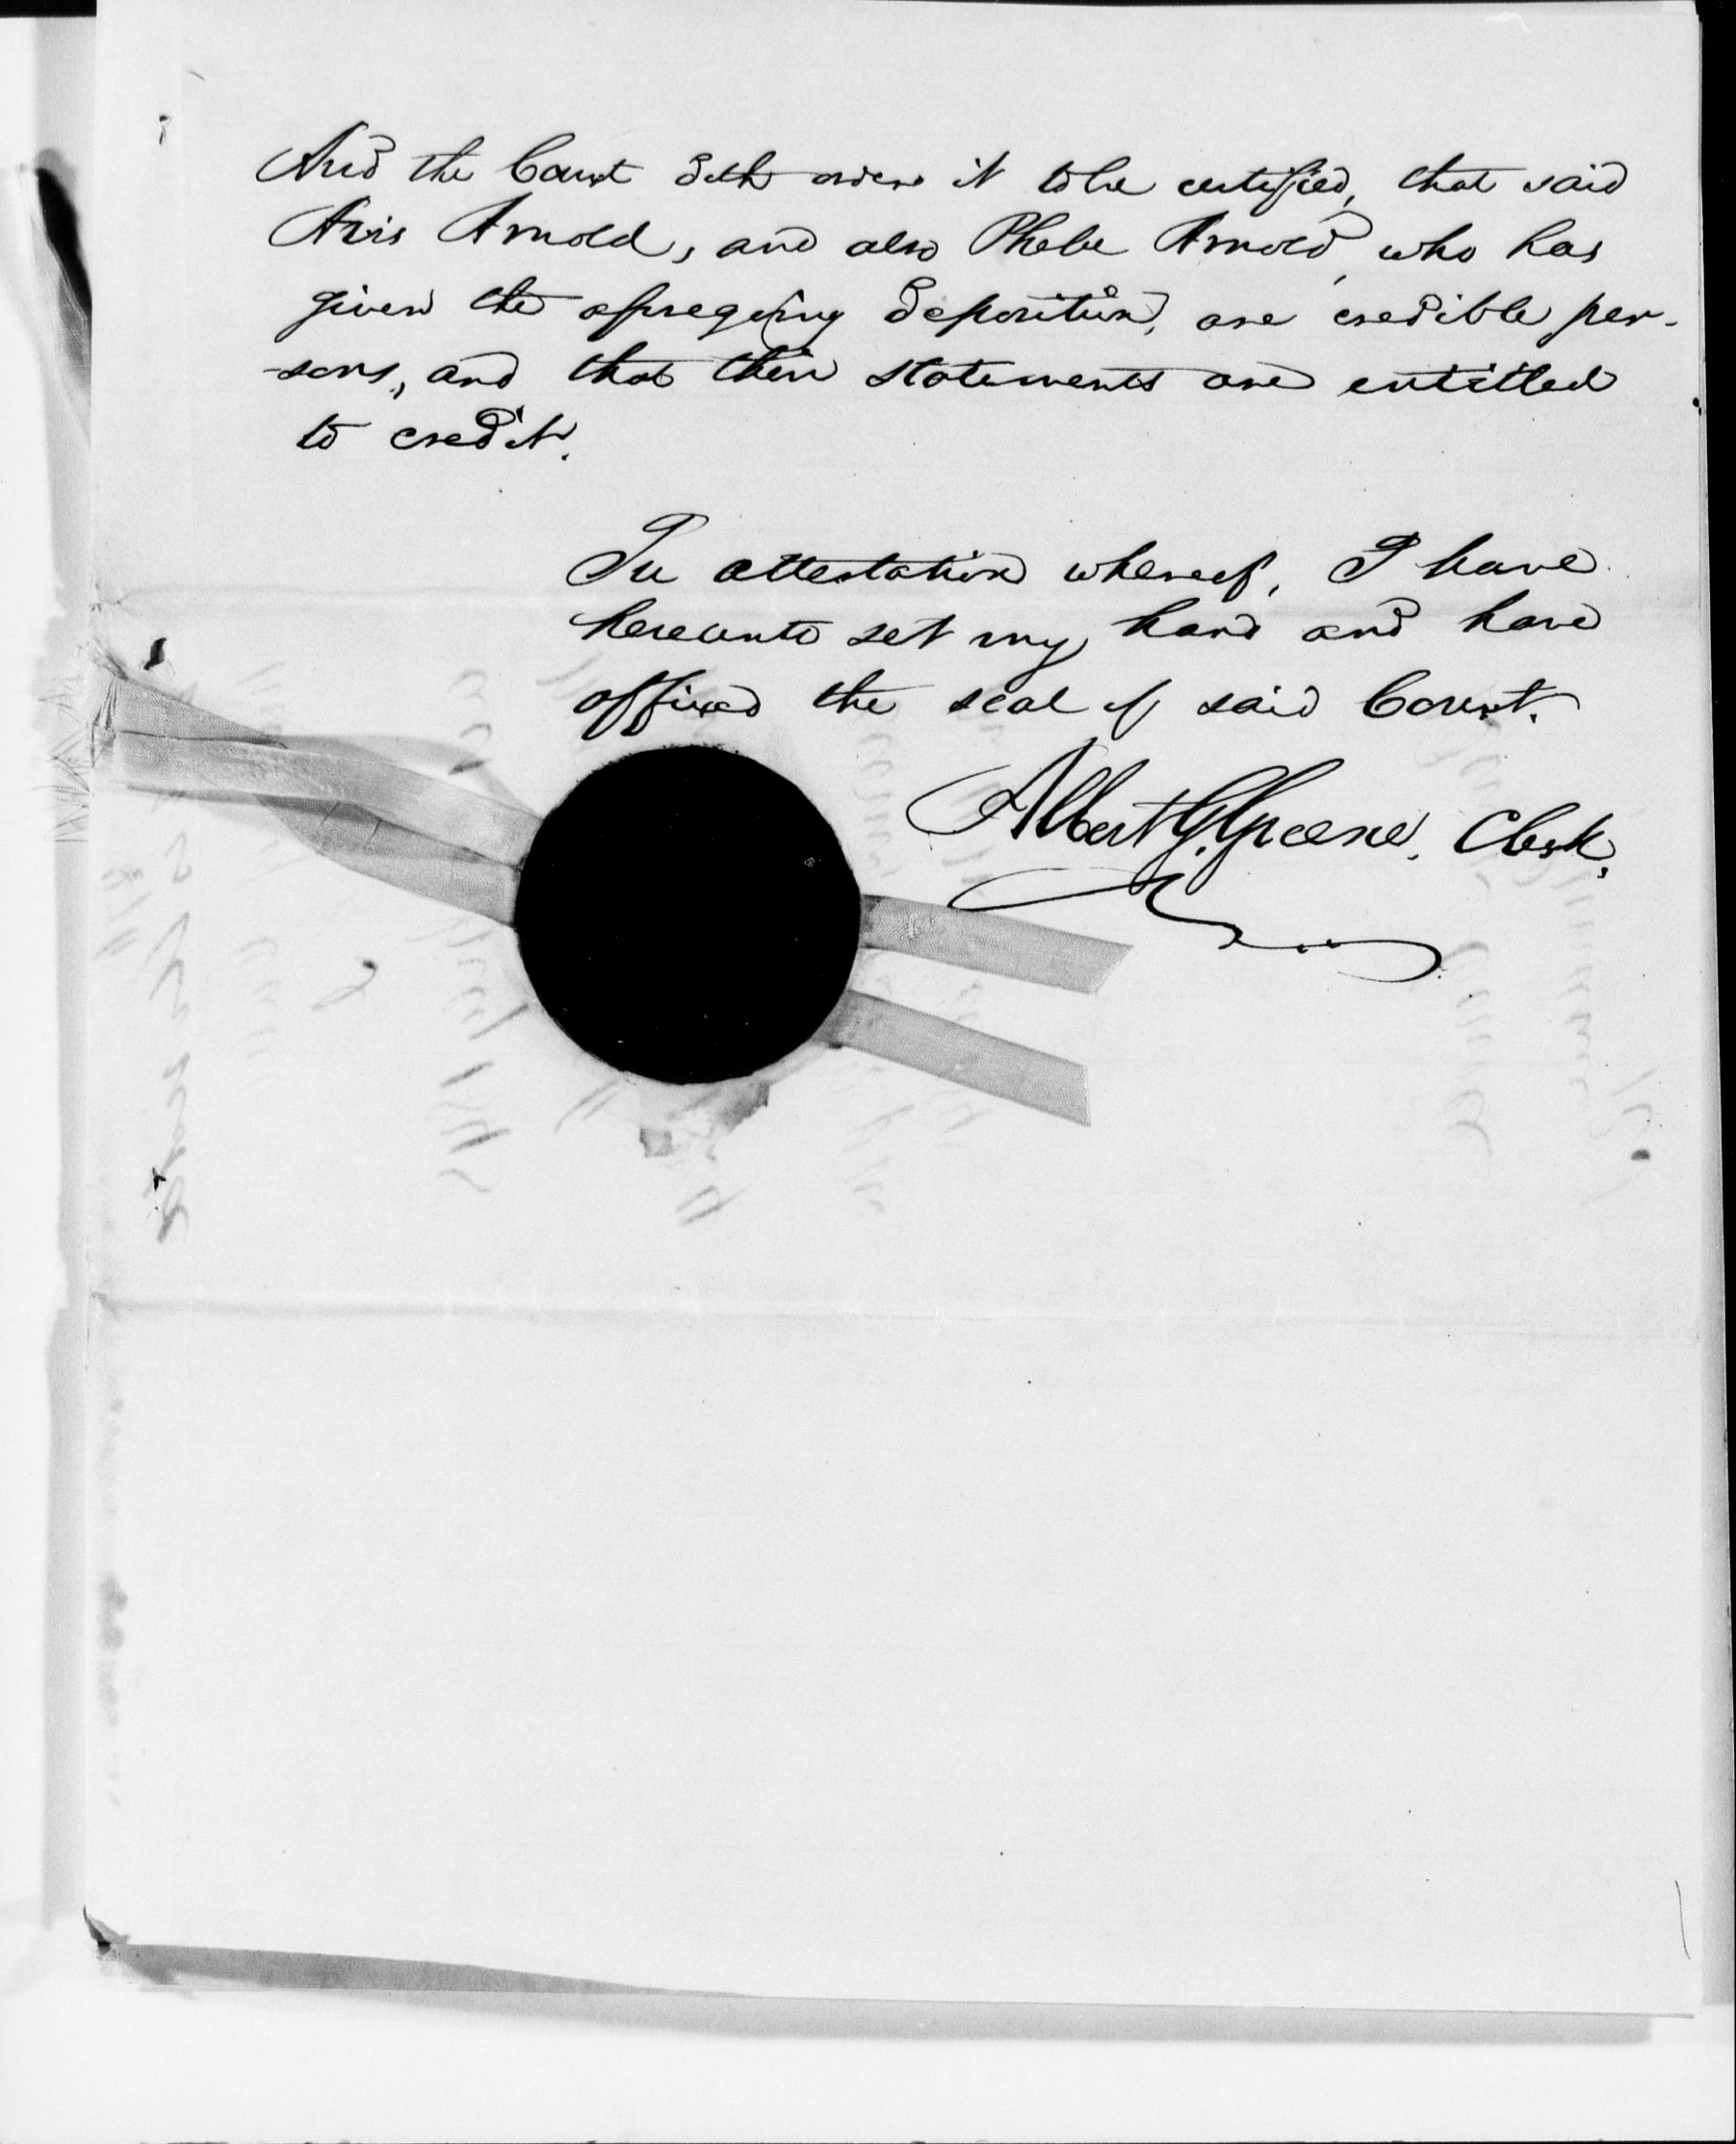And the Court doth order + to be certified, that said Avis Arnold, and also Phoebe Arnold who has given the [illegible] [illegible] , are credible persons, and that their statements are entitled to credit. 

In attestation whereof, I have hereunto set my hand and have affixed the seal of said Court.
[signed] Albert G. Greene, Clerk
[the seal is circular and is stamped over what appears to be 2 ribbons. It is located at the bottom left corner of the document.]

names: Albert G Greene, Avis Arnold, Phebe Arnold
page: 13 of 29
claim: widow's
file: W. 2582, Caleb Arnold, R.I.